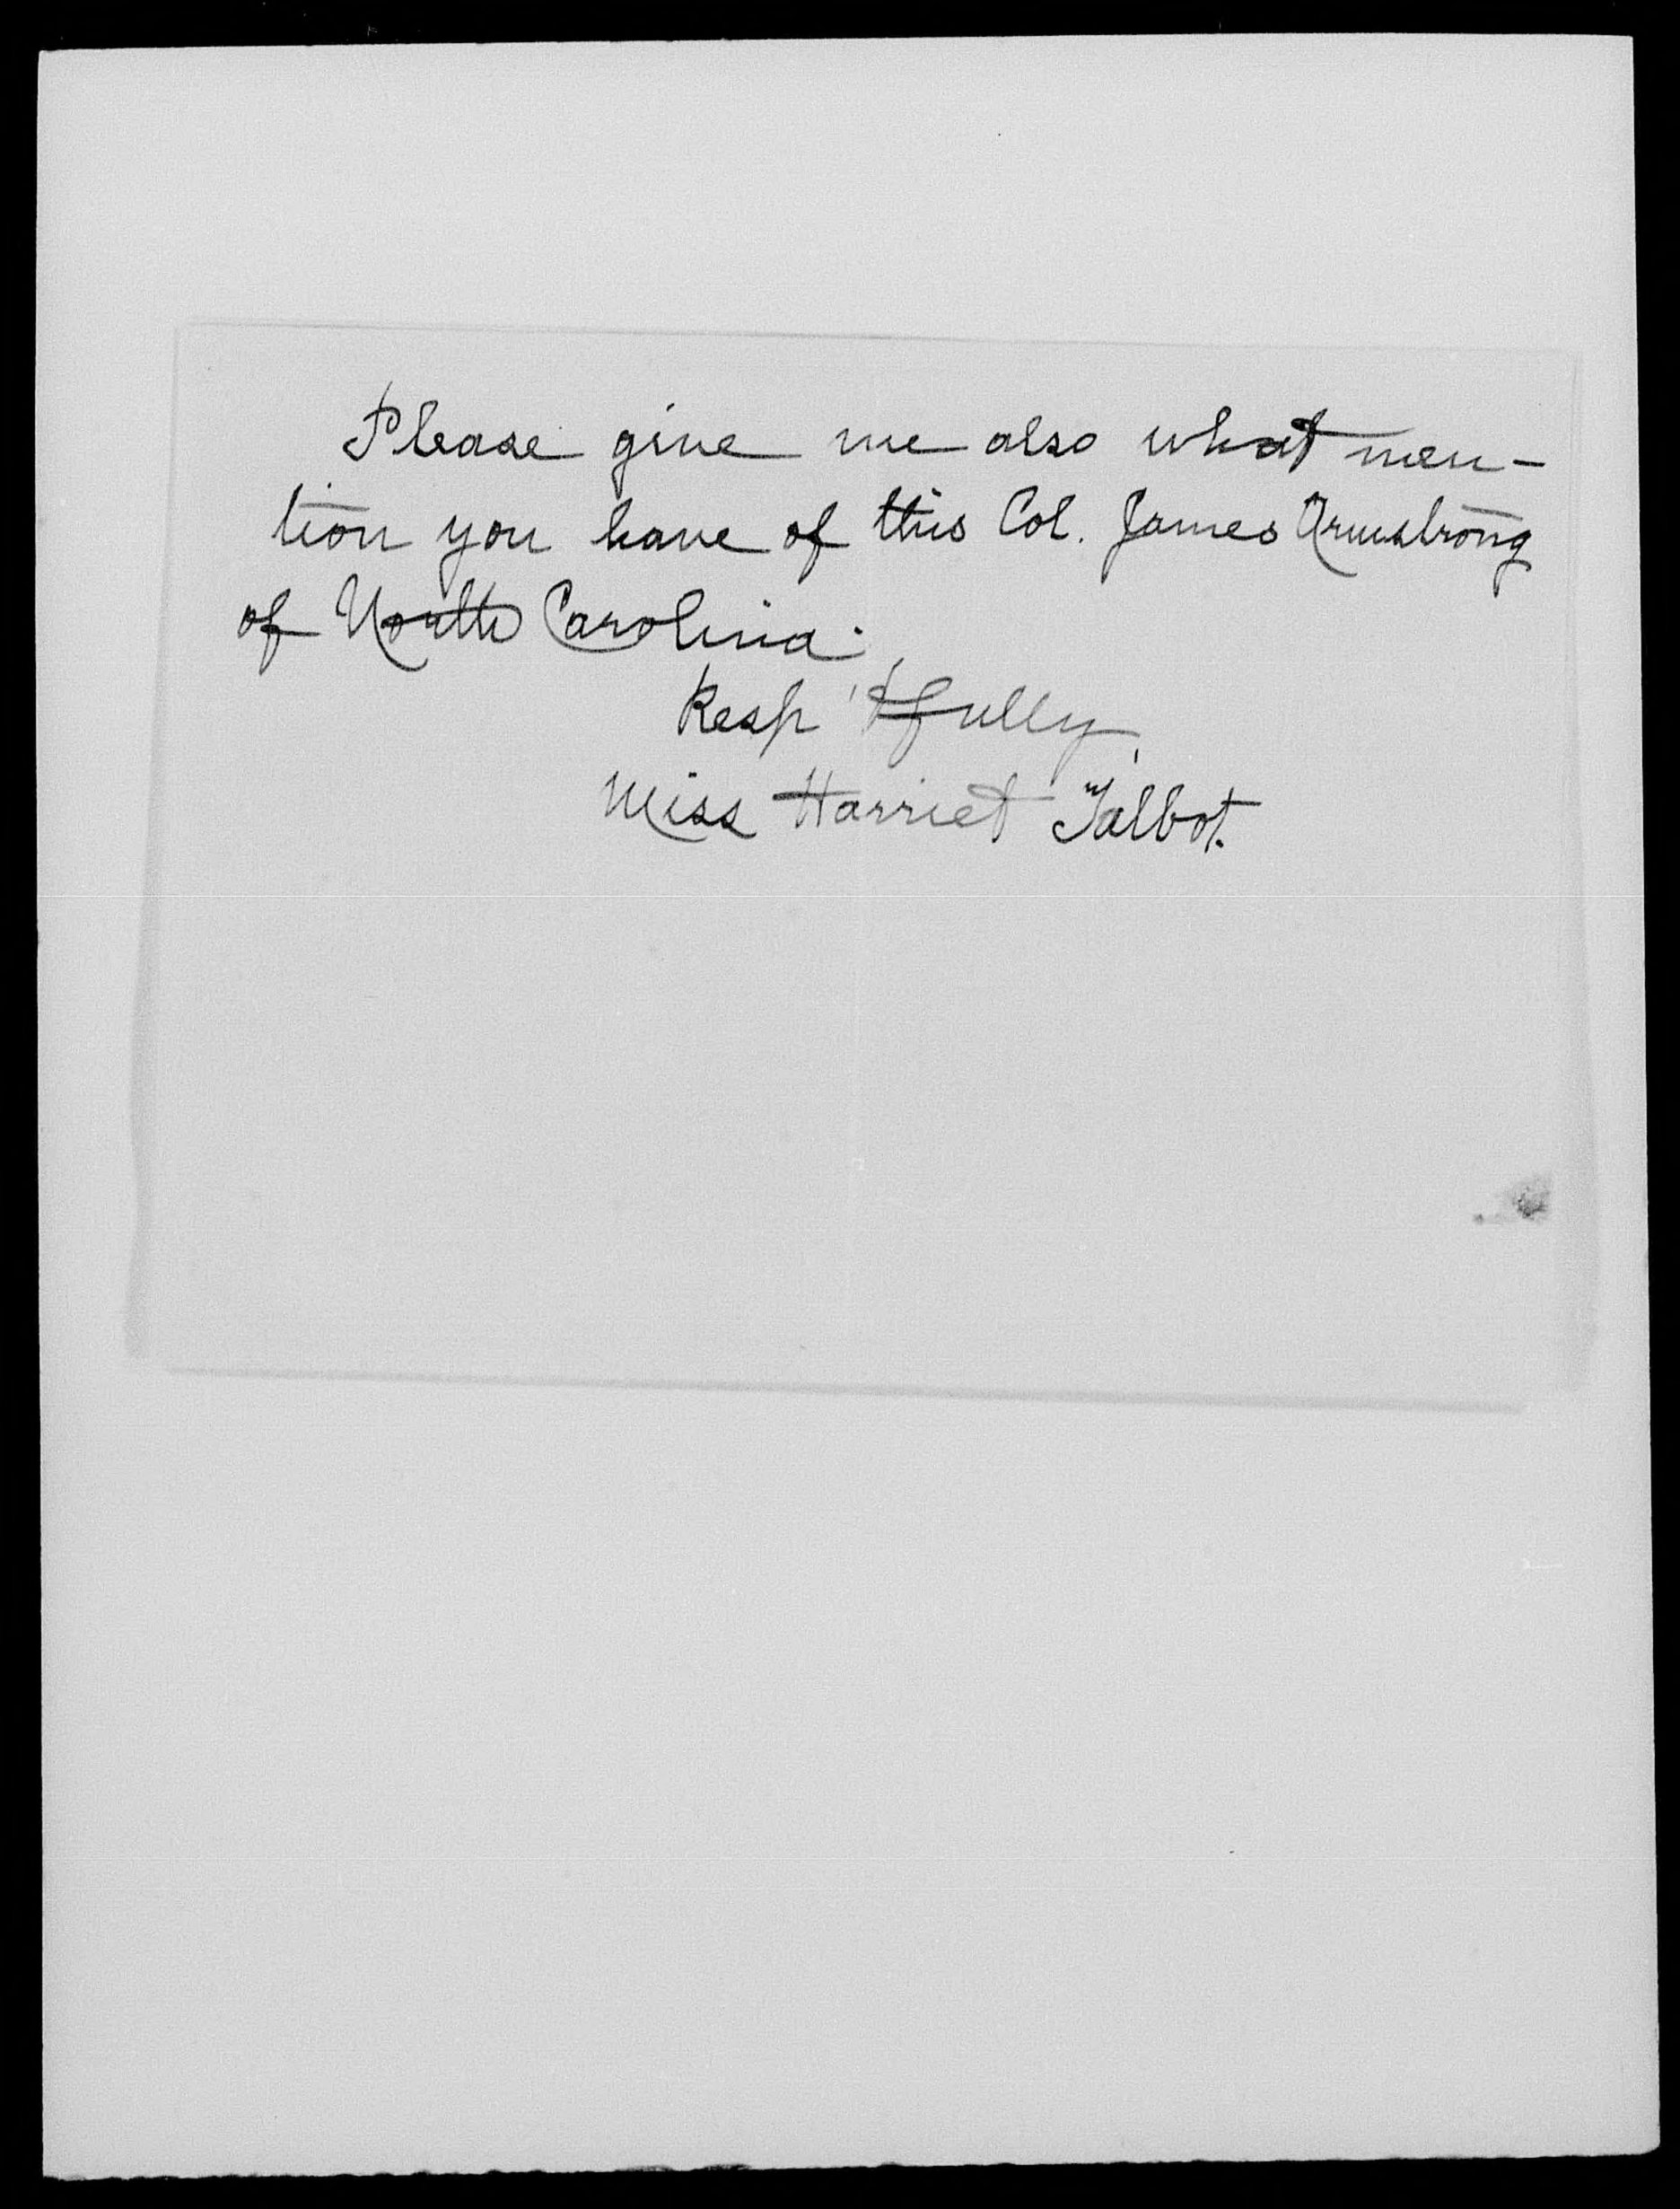Please give me also what mention
you have of this Col. James Armstrong
of North Carolina
Respectfully, 
Miss Harriet Talbot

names: James Armstrong, Harriet Talbot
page: 25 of 32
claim: survivor's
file: S. 44230, James Curry, Va.